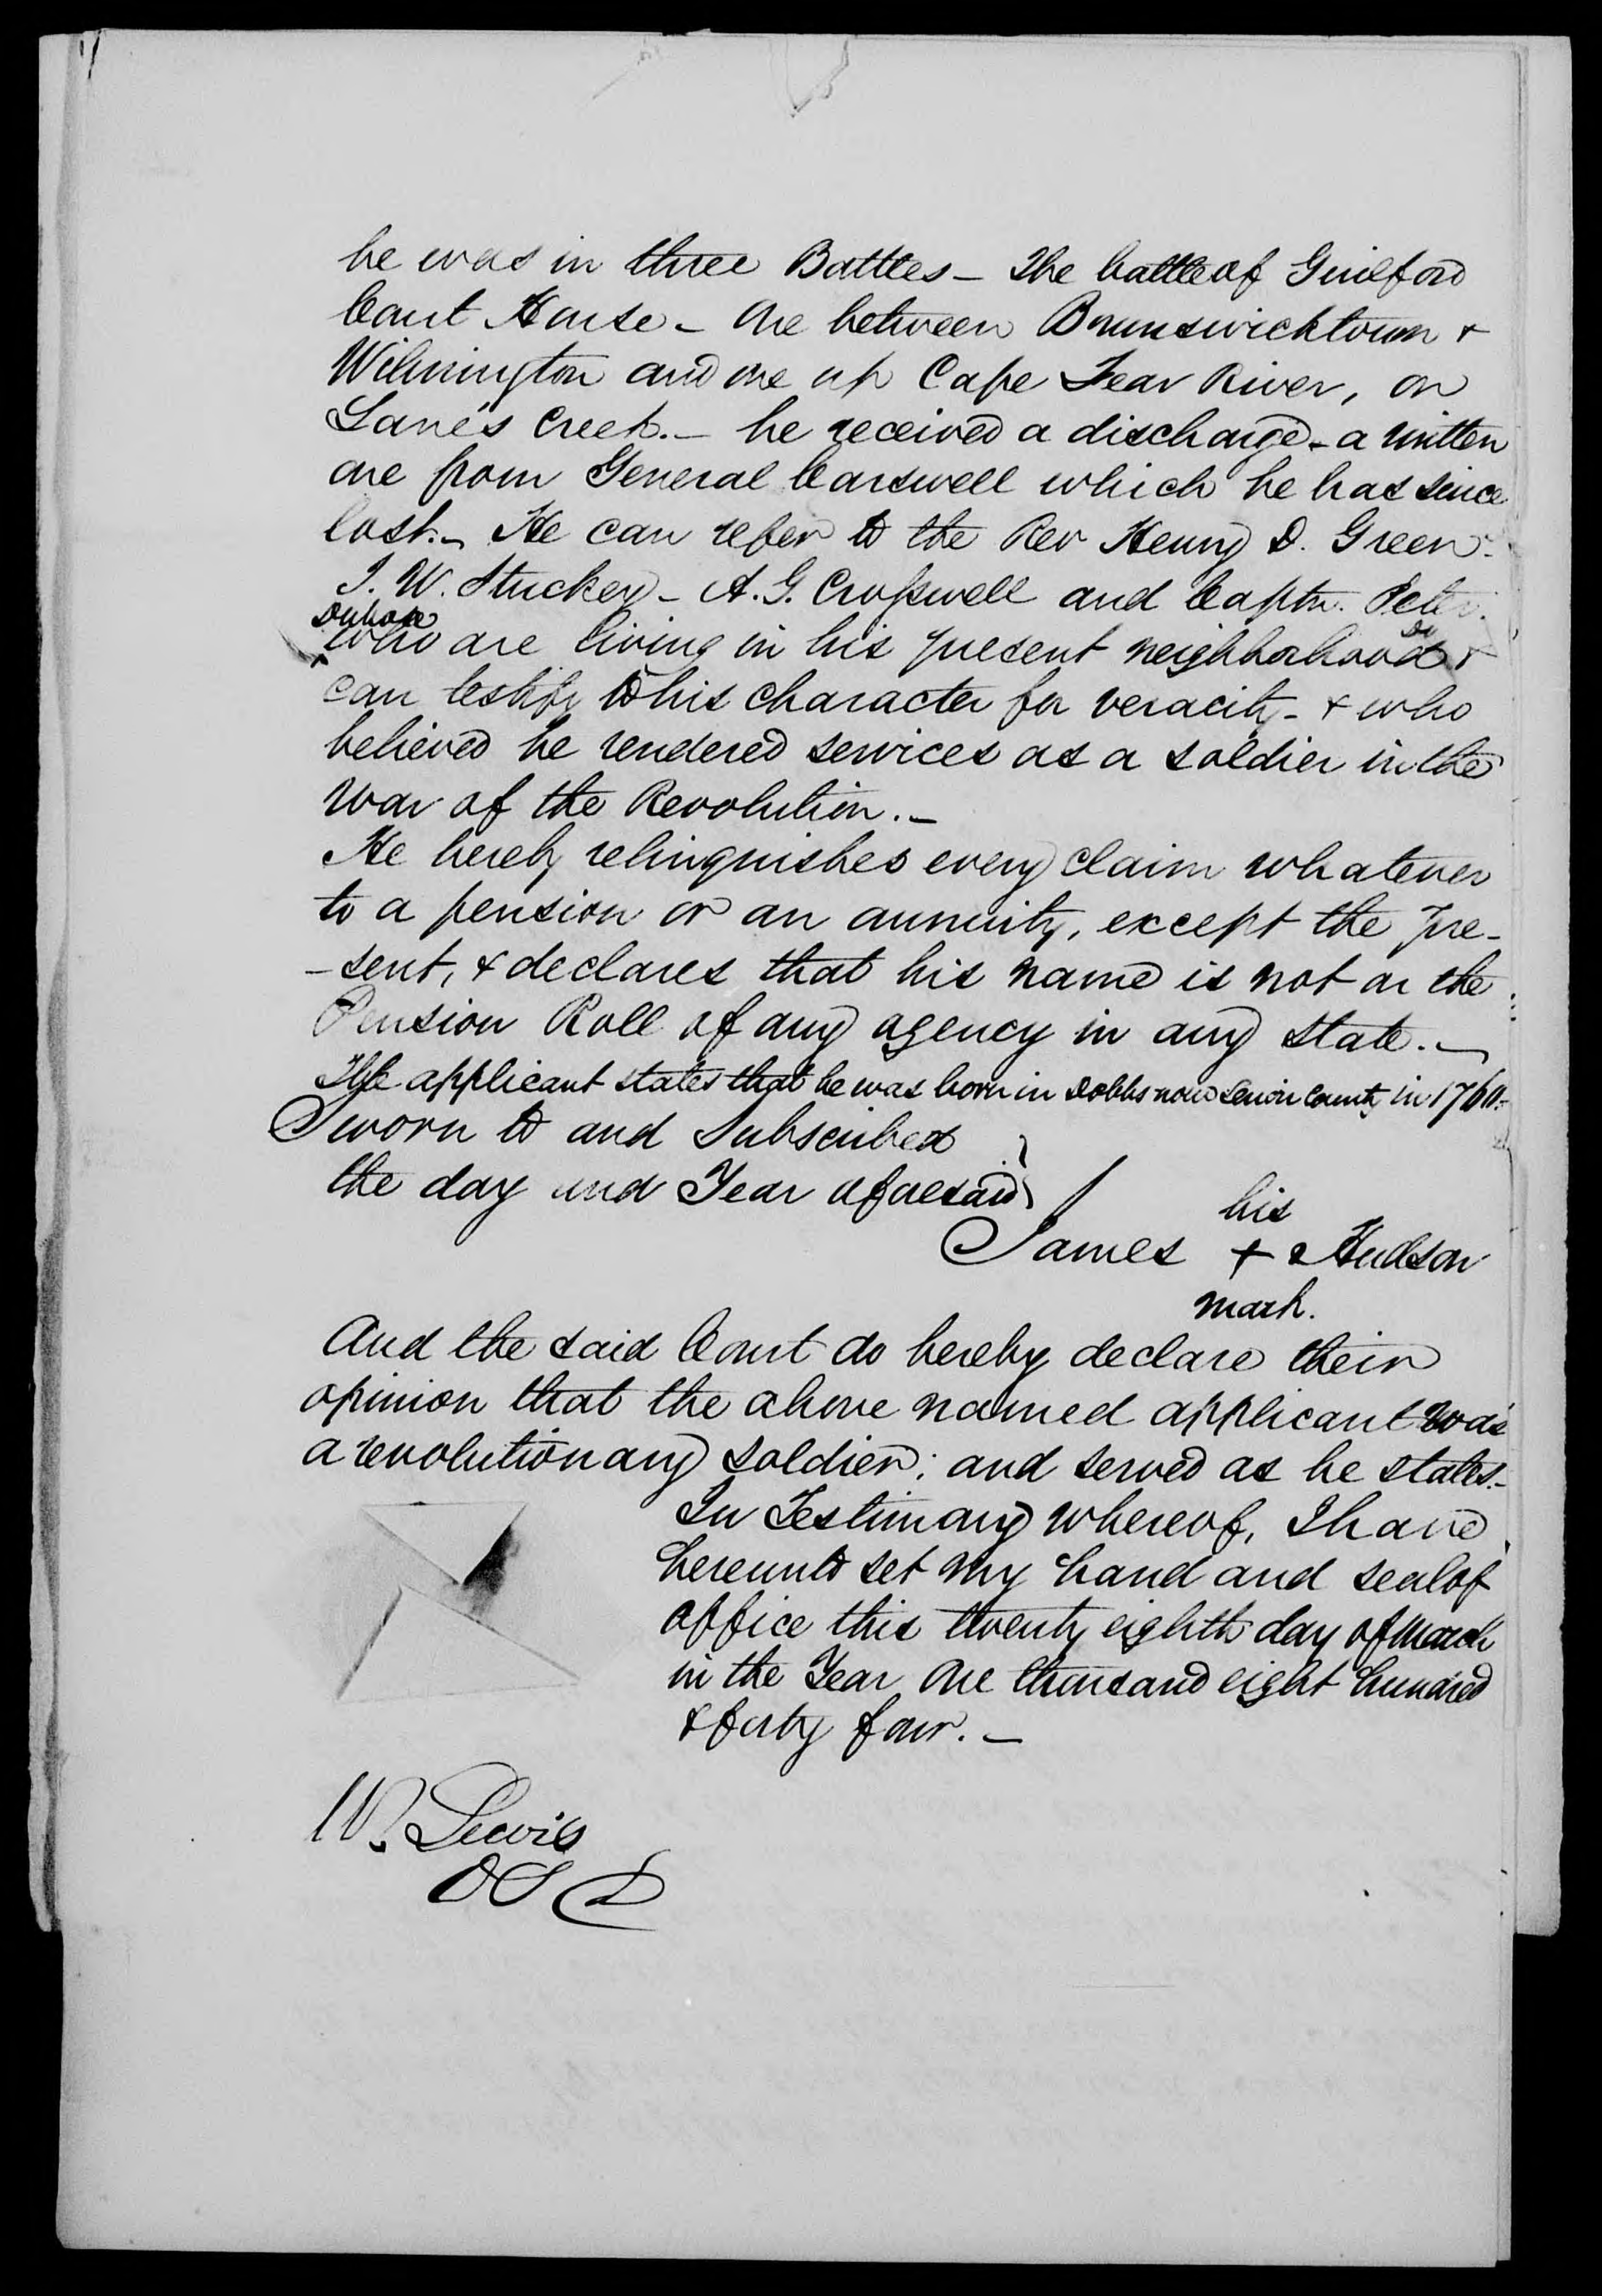he was in three Battles. The battle of Guilford Court House, the between Brunswicktown & Wilmington and one on Cape Fear River, on Lane's Creek he received a discharge a written one from General Carwell which he has since lost. He can refer to the Rev Henry D. Green J W Stuckey A G Crosswell and Capt. Peter Dubose who are living in his present neighborhood can testify to his character for veracity & who believed he rendered service with the War of the Revolution. He hereby relinquishes every claim whatever to a pension or an annuiity, except the present & declares that his name is not on the Pension Roll of any agency in any state. The applicant states that he was born in Dobbs now Lewis County in 1760. Sworn to and Subscribed the day and year aforesaid. James + Hudson his mark And the said Court do hereby declare their opinion that the above named applicant was a revolutionary soldier and served as he states. In Testimony whereof, I have hereunto set my hand and seal of office this twenty eighth day of March in the Year one thousand eight hundred & forty four. W. Lewis DOC [remnant of seal above signature]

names: James Hudson, Henry D Green, Peter Dubose, A G Crosswell, Carswell, J W Stuckey, W Lewis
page: 14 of 33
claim: rejected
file: R. 5334, James Hudson, N.C.